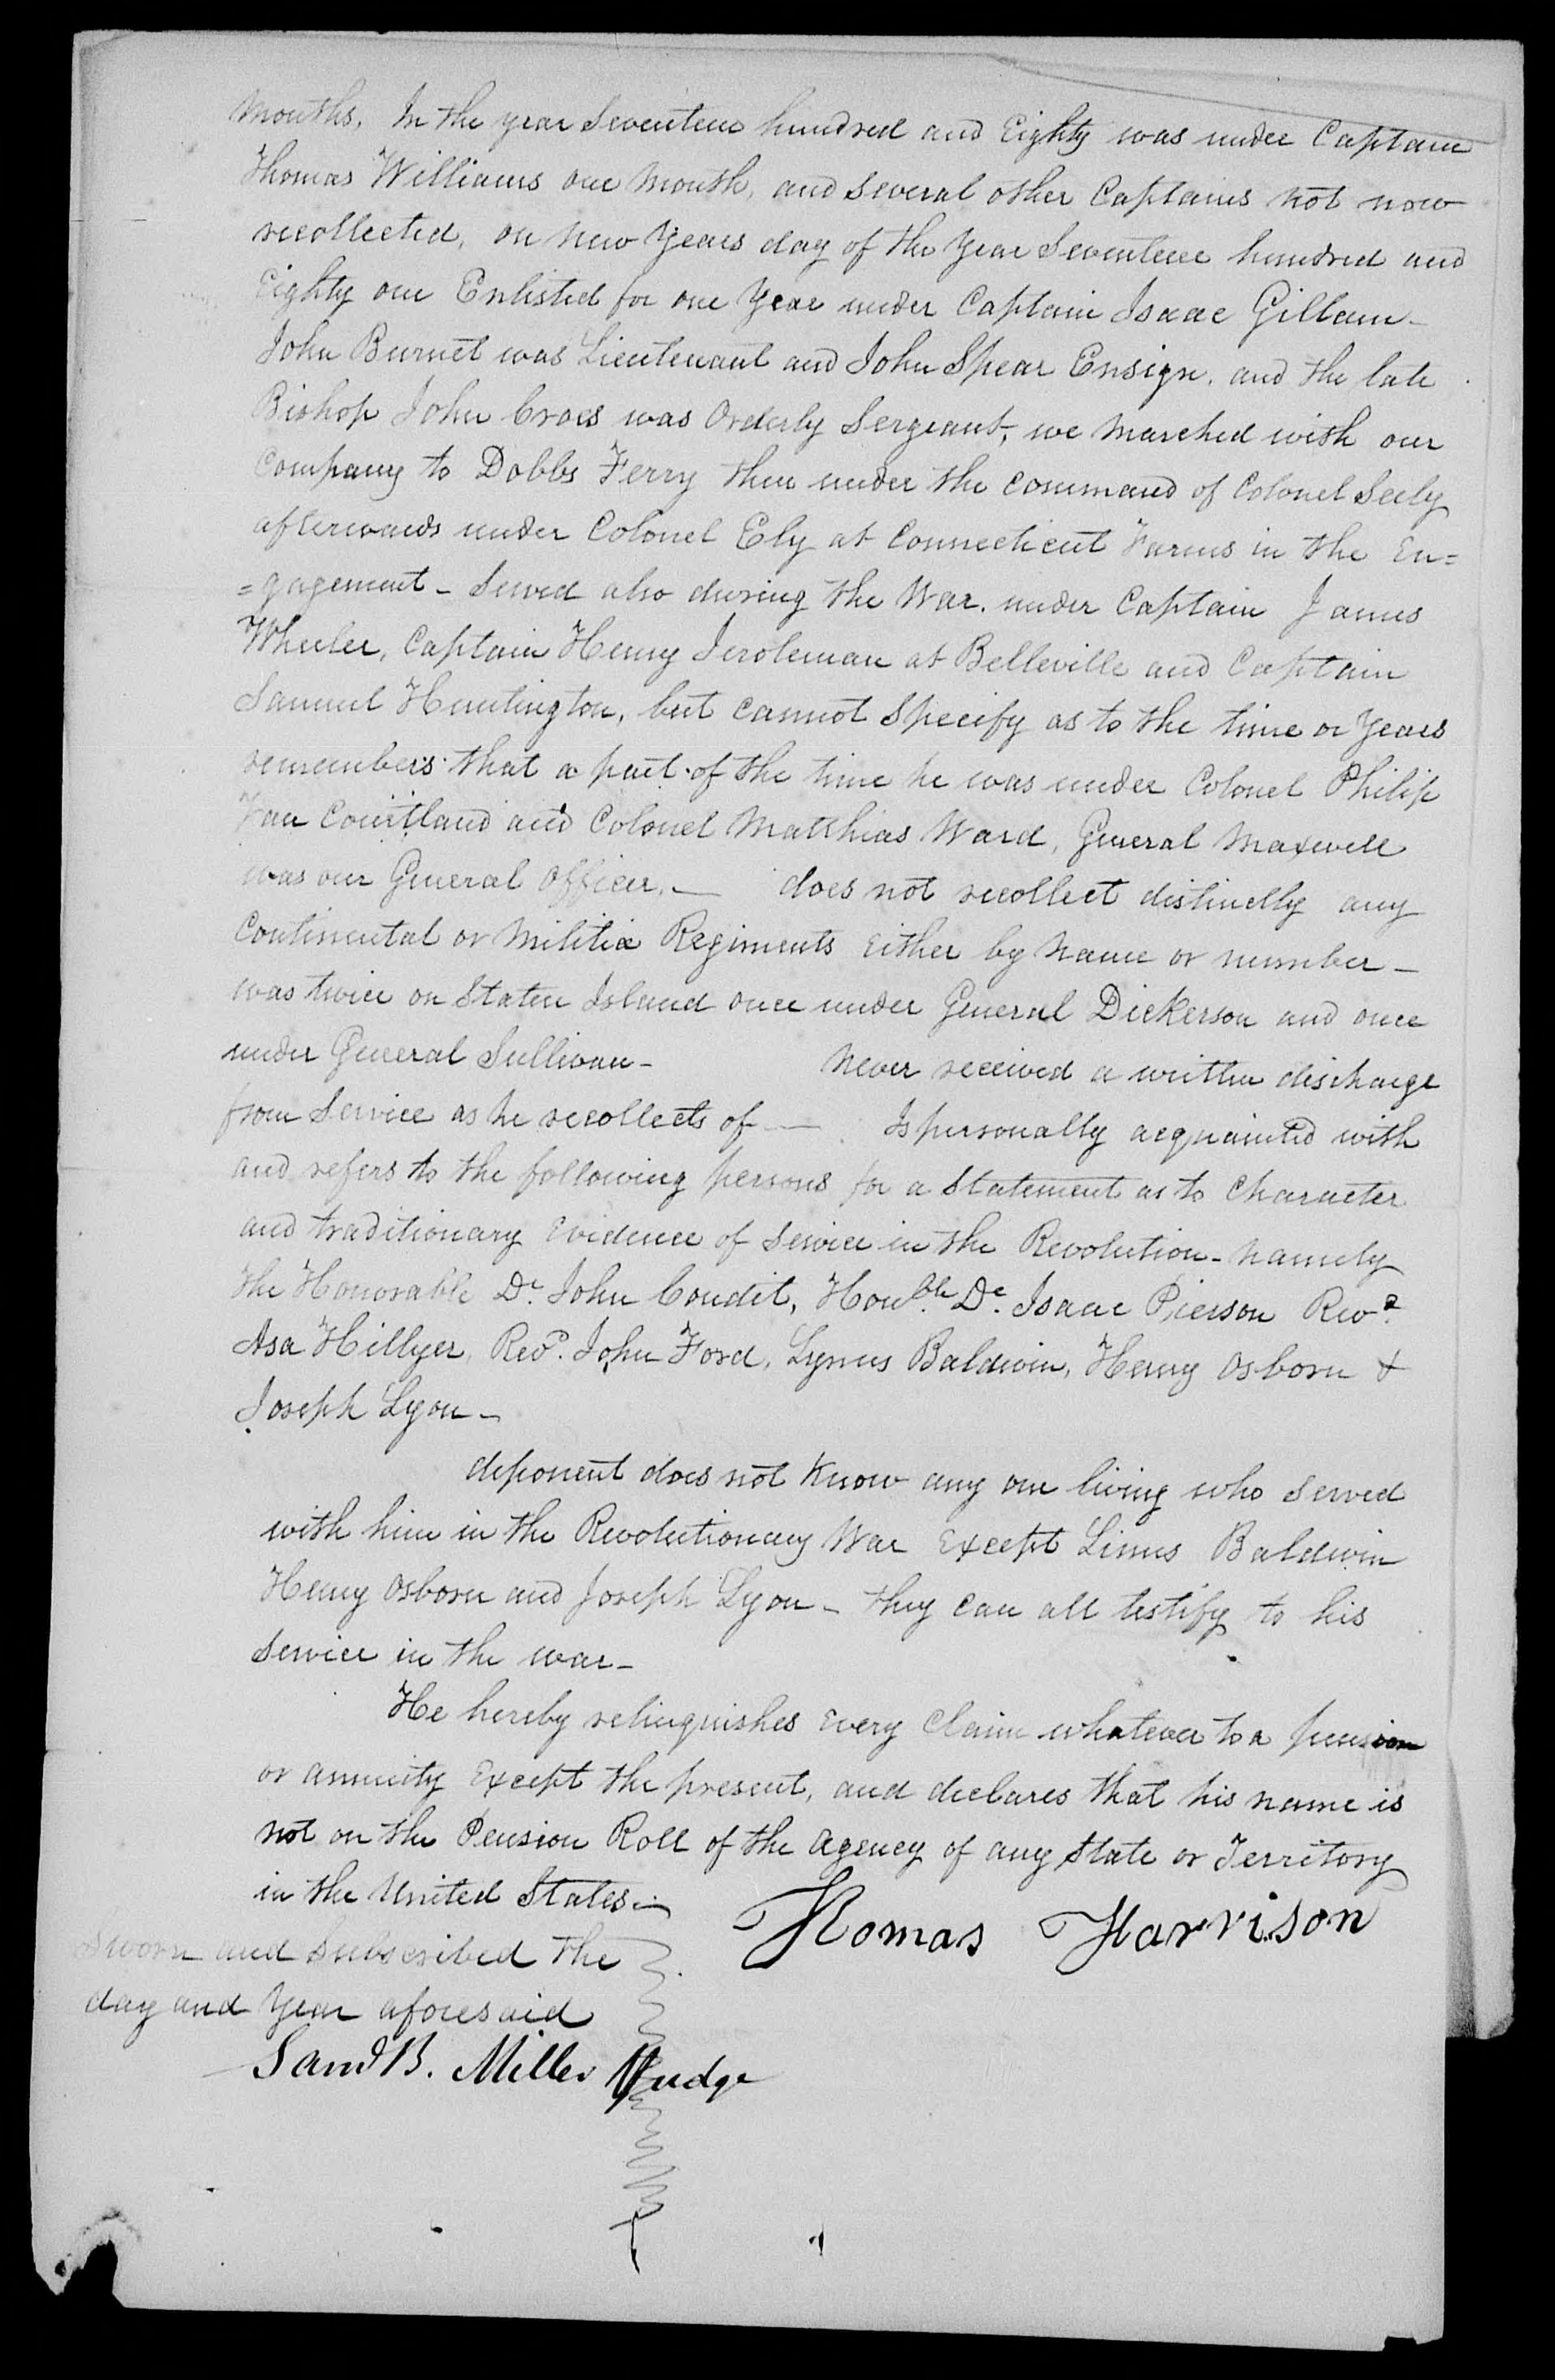months. In the year Seventeen hundred and Eighty was under Captain Thomas Williams one month, and several other Captains not now recollected, on New Years day of the year Seventeen hundred and Eighty one Enlisted for one year under Captain Isaac Gilleum. John Burnet was Lieutenant and John Spear Ensign, and the late Bishop John Croes was Orderly Sergeant, we marched with our company to Dobbs Ferry there under the command of Colonel Sealy afterwards under Colonel Ely at Connecticut Farms in the Engagement. Served also during the war under Captain James Wheeler, Captain Henry Joralemon at Belleville and Captain Samuel Huntington, but cannot specify as to the time or years remembers that a part of the time he was under Colonel Phillip Van Courtland and Colonel Matthias Ward, General Maxwell was our general officer - does not recollect distinctly any Constitutional or Militia Regiments either by name or number - was twice on Staten Island order under General Dickerson and once under General Sullivan. Never received a written discharge from service as he recollects of - Is personally acquainted with and refers to the following persons for a Statement as to Character and traditionaly evidence of Service in the Revolution namely The Honorable Dr. John Condit, Honorable Dr. Isaac Pierson Rev. Asa Hillyer, Rev. John Ford, Lynus Baldwin, Henry Osborn & Joseph Lyon.

Defendant does not know any one living who served with him in the Revolutionary War except Lynus Baldwin, Henry Osborn & Joseph Lyon - they can all testify to his service in the war.

He hereby relinquishes every claim whatever to a pension or annuity except the present and declares that his name is not on the Pension Roll of the agency of any State or Territory in the United States.

Thomas Harrison
Sworn and Subscribed the day and year aforesaid
Samuel B. Miller Judge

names: Sullivan, Bishop John Croes, Philip Van Courtland, Joseph Lyon, Samuel Huntington, Seely, Saml B Miller, Isaac Gillam, James Wheeler, Asa Hillyer, Henry Jeroleman, Dickerson, Matthias Ward, Thomas Harrison, Ely, Joseph Lyon, Henry Osborn, John Ford, Isaac Pierson, Maxwell, Thomas Williams, John Condit, John Spear, John Burnet, Lynus Baldwin, Henry Osborn, Linus Baldwin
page: 4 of 15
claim: survivor's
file: S. 883, Thomas Harrison, New Jersey